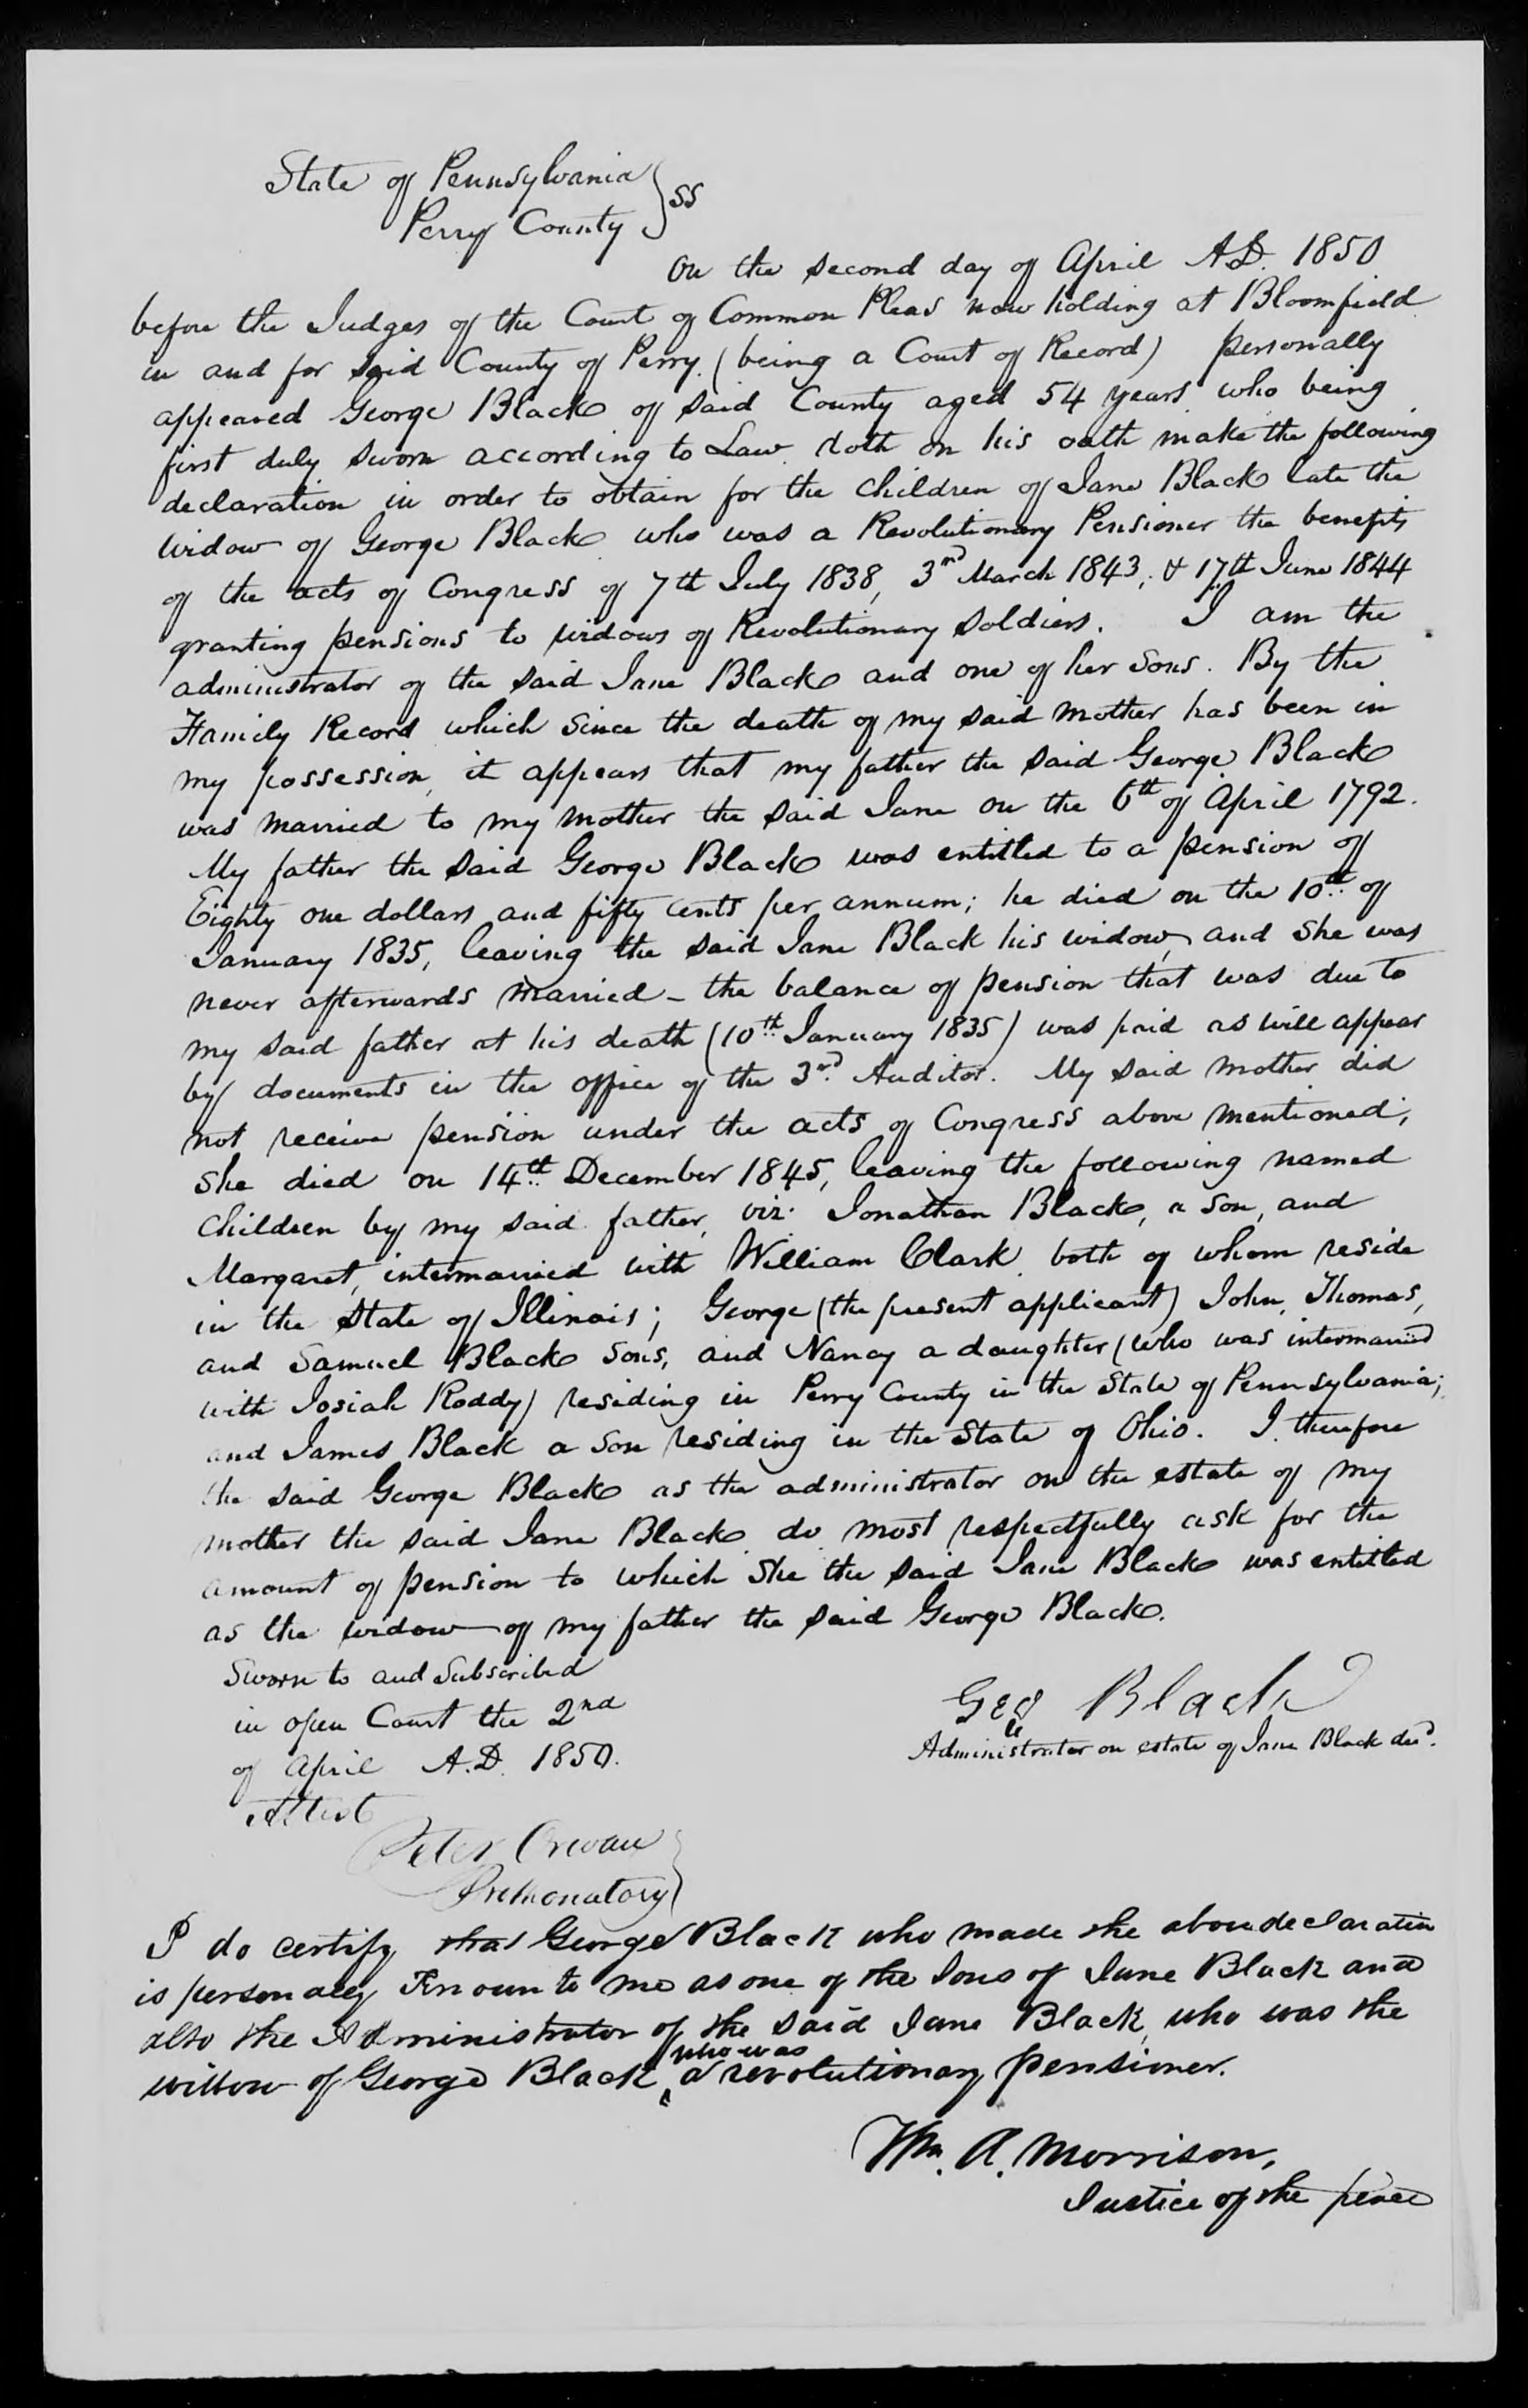State of Pennsylvania
Perry County
On the second day of April A.D. 1850 before the Judges of the Court of Common Pleas now holding at Bloomfield in and for said County of Perry. (being a Court of Record) personally appeared George Black of said County aged 54 years who being first duly sworn according to law doth on his oath makes the following declaration in order to obtain for the children of Jane Black late the widow of George Black who was a Revolutionary Pensioner the benefits of the acts of Congress of 7th July 1838, 3rd March 1843 & 17th June 1844 granting pensions to widows of Revolutionary Soldiers.  I am the administrator of the said Jane Black and one of her sons.  By the Family Record which since the death of my said mother has been in my possession, it appears that my father the said George Black was married to my mother the said Jane on the 6th of April 1792.  My father the said George Black was entitled to a pension of Eighty one dollars and fifty cents per annum; he died on the 10th of January 1835, leaving the said Jane Black his widow and she was never afterwards married-the balance of pension that was due to my said father at his death (10th January 1835) was paid as will appear by documents in the office of the 3rd Auditor.  My said mother did not receive pension under the acts of Congress above mentioned; she died on 14th December 1845, leaving the following names children by my said father [illegible] Jonathan Black, a son and Margaret, intermarried with William Clark both of whom reside in the State of Illinois; George (the present applicant) John, Thomas, and Samuel Black sons, and Nancy a daughter (who was intermarried with Josiah Roddy) residing in Perry County in the State of Pennsylvania; and James Black a son residing in the State of Ohio. I therefore the said George Black as the administrator on the estate of my mother the said Jane Black do most respectfully ask for the amount of pension to which she the said Jane Black was entitled as the widow of my father the said George Black.

Sworn to and Subscribed in open Court the 2nd of April A. D. 1850. Attest
Peter Orwan Prothonotary

Geo Black
Administrator on estate of Jane Black decd.
I do certify that George Black who made the above declaration is personally known to me as one of the sons of Jane Black and also the Administrator of the said Jane Black, who was the widow of George Black, who was a revolutionary pensioner.
Wm. A. Morrison, Justice of the Peace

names: George, Jane Black, George Black, George Black, Jane Black, George Black, George Black, James Black, John Thomas, Geo Black, Jane Black, William Clark, Wm A Morrison, Josiah Roddy, Jane, Nancy, Jane Black, George Black, Peter Orwan, Jane Black, Samuel Black, Jane Black, Jane Black, Margaret, Jonathan Black, George Black, George Black, George Black, Jane Black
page: 16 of 30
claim: widow's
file: W. 3211, George Black, Penn.